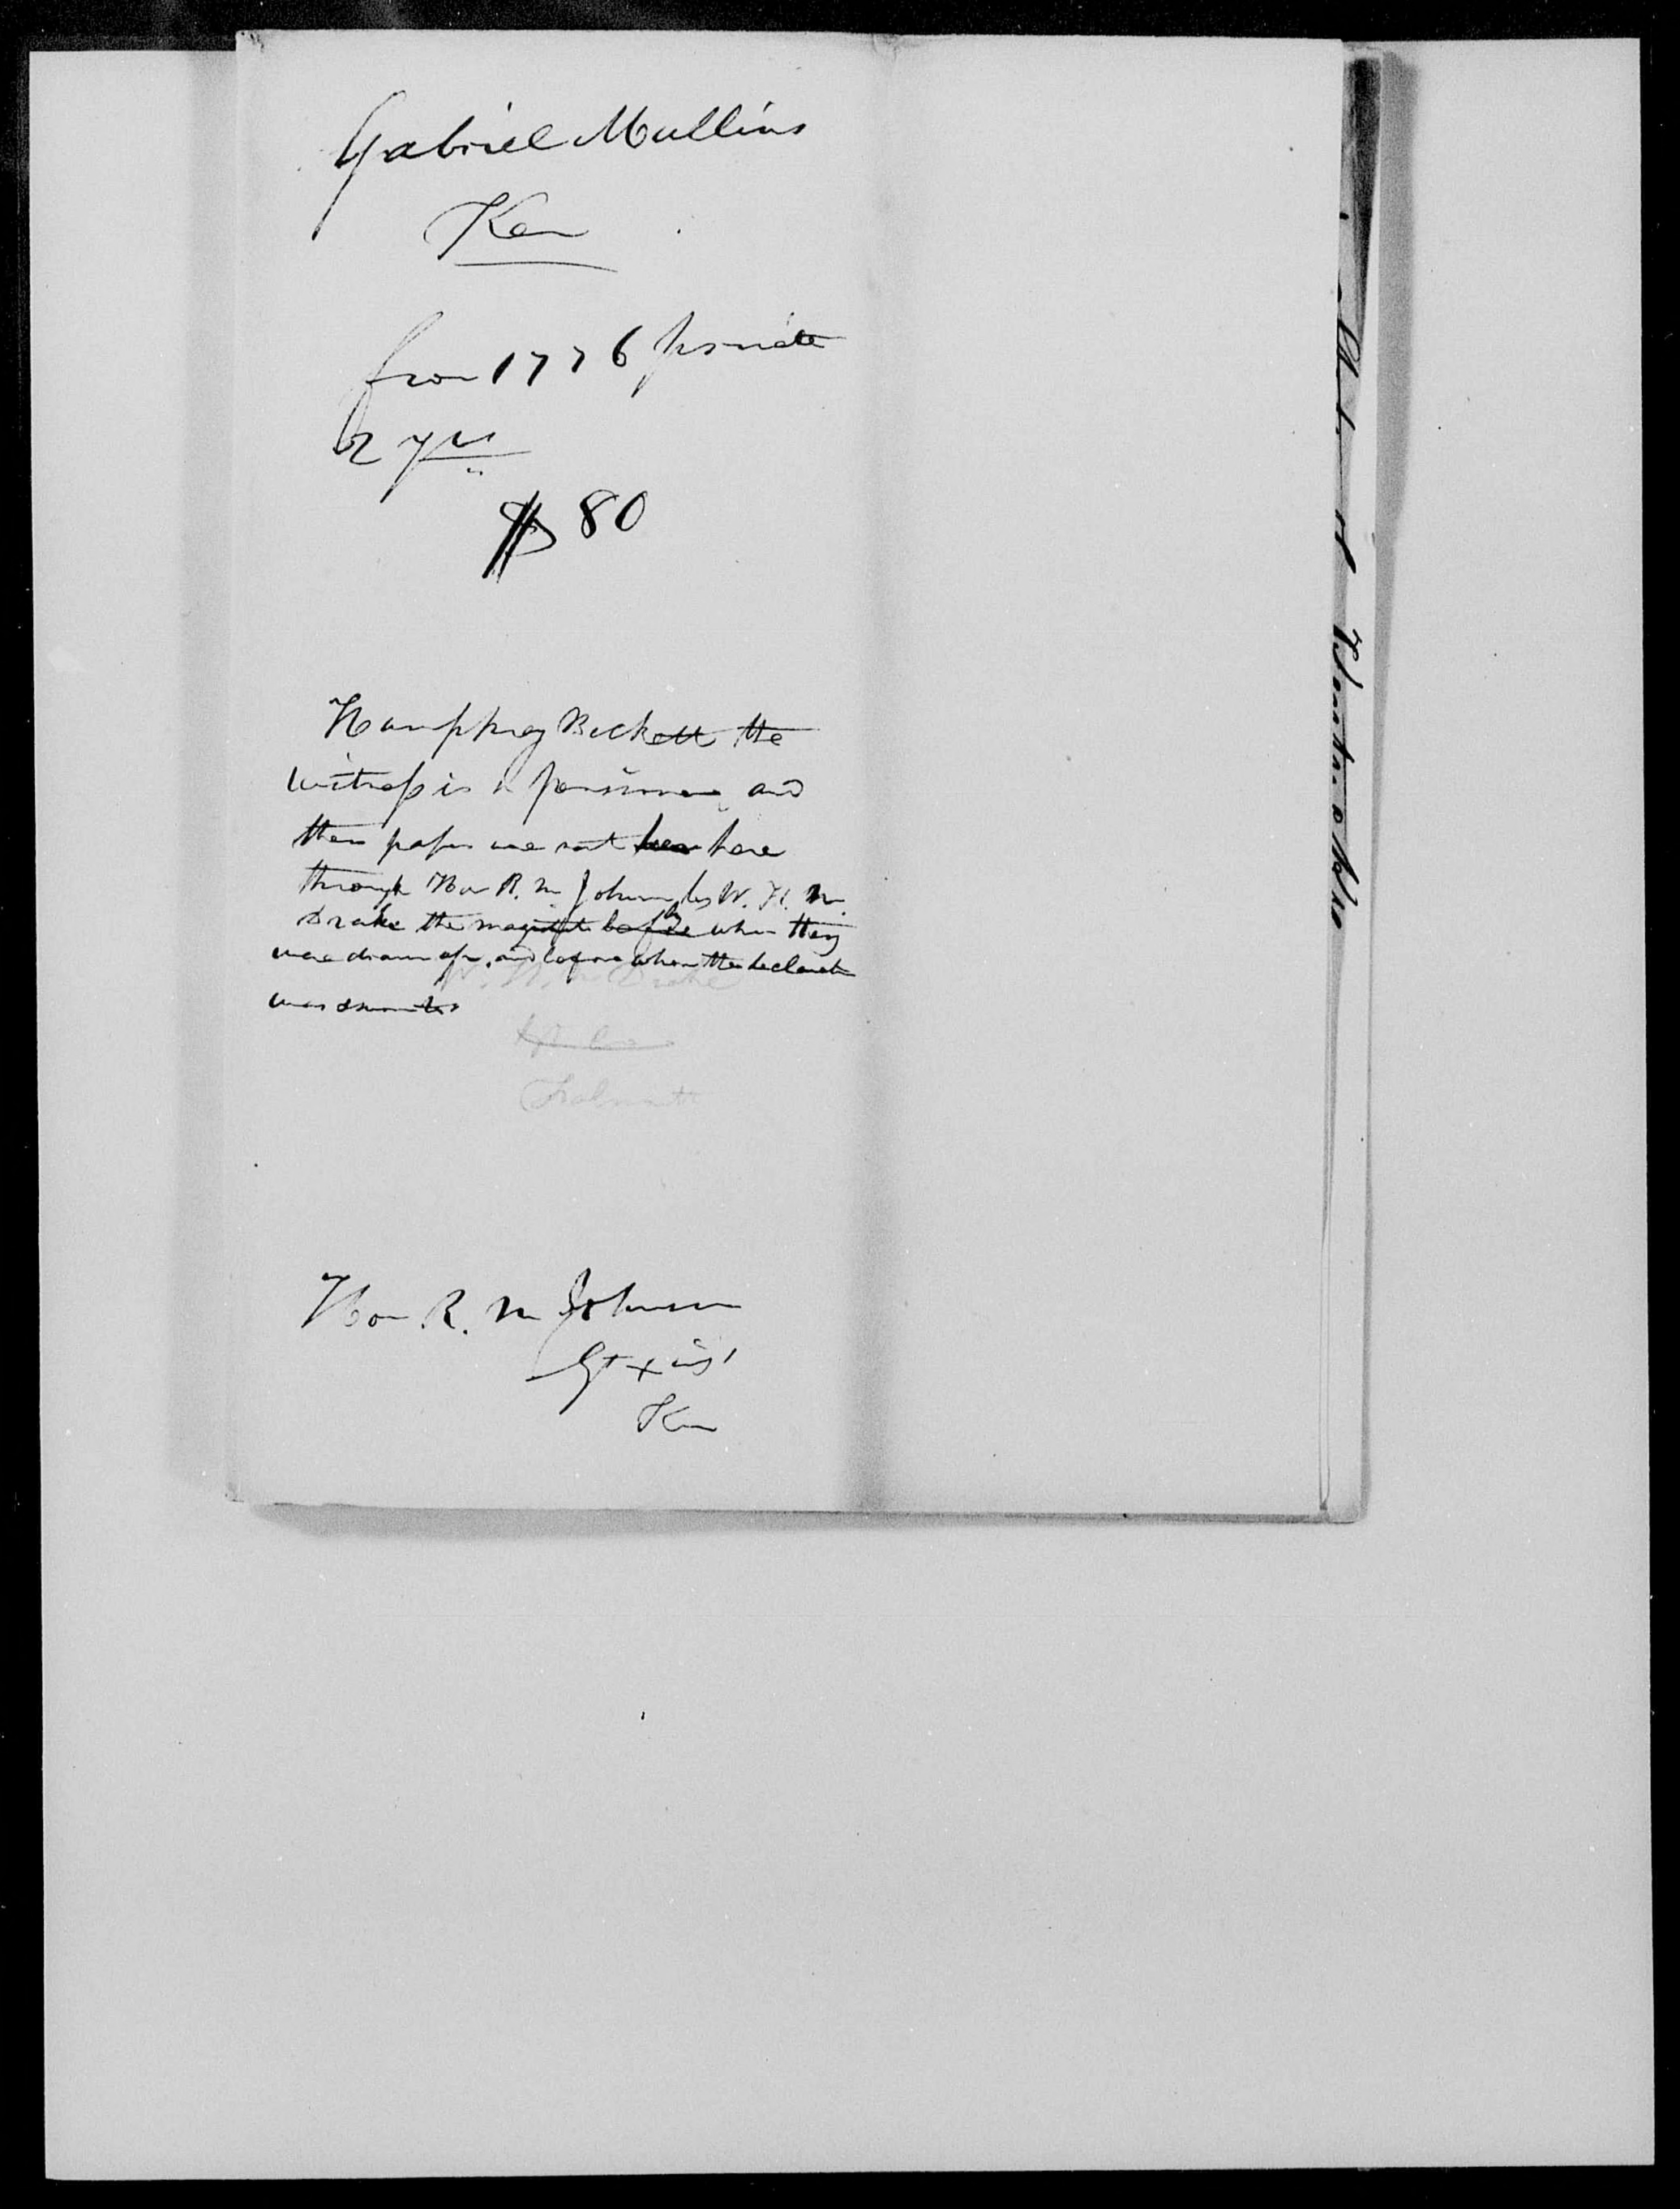Gabriel Mullins

Ken
---
from 1776 private
2 yrs
$80

Humphrey Beckett the
witness is a pensioner and
these paper we sent here
through Hon R. M. Johnson by W.H.N.
Drake the magistrate before whom they
were [illegible] of and before whom the declaration
was [illegible]

[faintly in pencil at bottom:] W.H.N. Drake and two illegible words/names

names: W H N Drake; R M Johnson; Gabriel Mullins; [BLANK] Beckett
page: 18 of 34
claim: survivor's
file: S. 30608, for Gabrel Mullins, Virginia